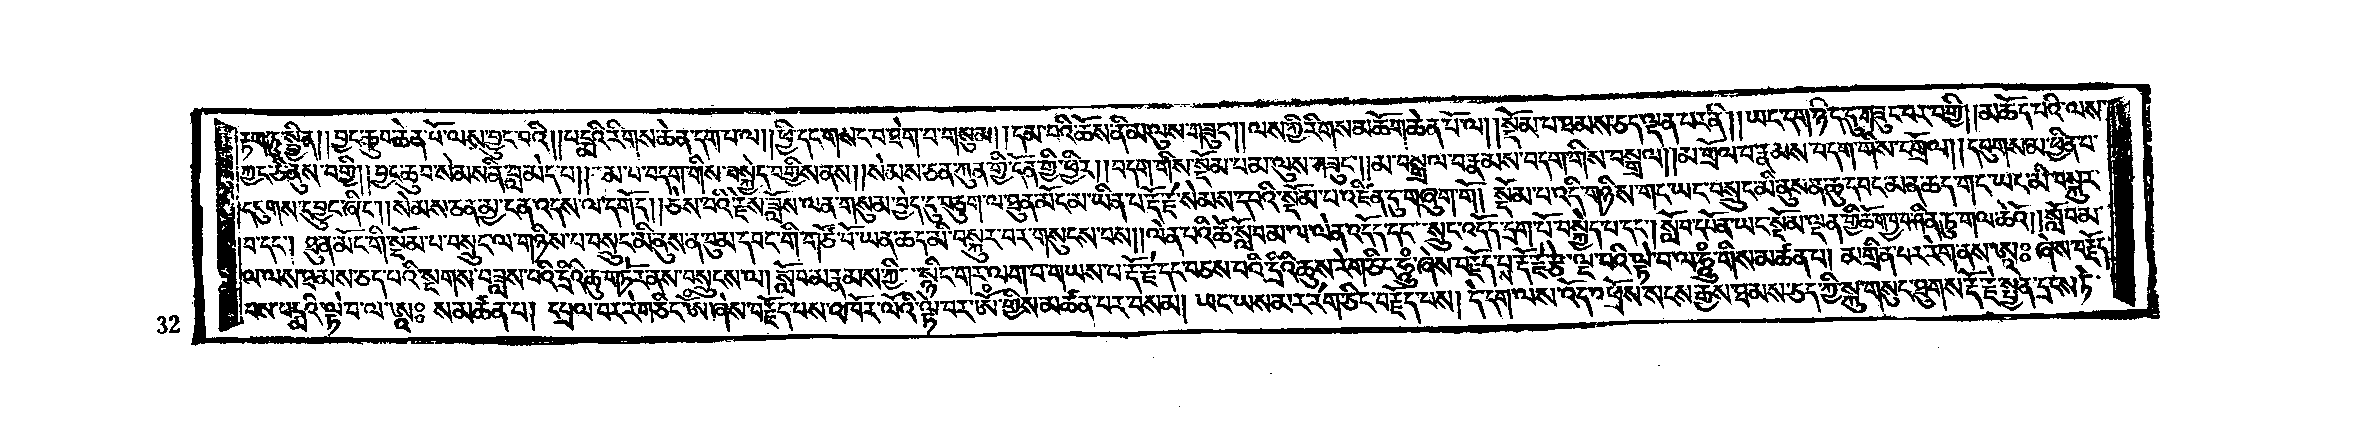རྟག་ཏུ་སྦྱིན། །བྱང་ཆུབ་ཆེན་པོ་ལས་བྱུང་བའི། །པདམའི་རིགས་ཆེན་དག་པ་ལ། །ཕྱི་དང་གསང་བ་ཐེག་པ་གསུམ། །དམ་པའི་ཆོས་ནི་མ་ལུས་གཟུང་། །ལས་ཀྱི་རིགས་མཆོག་ཆེན་པོ་ལ། །སྡོམ་པ་ཐམས་ཅད་ལྡན་པར་ནི། །ཡང་དག་ཉིད་དུ་གཟུང་བར་བགྱི། །མཆོད་པའི་ལས་
ཀྱང་ཅི་ནུས་བགྱི། །བྱང་ཆུབ་སེམས་ནི་བླ་མེད་པ། །མ་པ་བདག་གིས་བསྐྱེད་བགྱིས་ནས། །སེམས་ཅན་ཀུན་གྱི་དོན་གྱི་ཕྱིར། །བདག་གིས་སྡོམ་པ་མ་ལུས་གཟུང་། །མ་བསྒྲལ་བ་རྣམས་བདག་གིས་བསྒྲལ། །མ་གྲོལ་བ་རྣམས་བདག་གིས་བགྲོལ། །དབུགས་མ་ཕྱིན་པ་
དབུགས་དབྱུང་ཞིང་། །སེམས་ཅན་མྱ་ངན་འདས་ལ་དགོད། །ཅེས་པའི་རྗེས་ཟློས་ལན་གསུམ་བྱེད་དུ་བཅུག་ལ་ཐུན་མོང་མ་ཡིན་པ་རྡོ་རྗེ་སེམས་དཔའི་སྡོམ་པ་འཛིན་དུ་གཞུག་གོ །སྡོམ་པ་འདི་གཉིས་གང་ཡང་བསྲུང་མི་ནུས་ན་ཆུ་དབང་མན་ཆད་གང་ཡང་མི་བསྐུར་
བ་དང་། ཐུན་མོང་གི་སྡོམ་པ་བསྲུང་ལ་གཉིས་པ་བསྲུང་མི་ནུས་ན་བུམ་དབང་གི་གཙོ་བོ་ཡན་ཆད་མི་བསྐུར་བར་གསུངས་པས། །ལེན་པའི་ཚེ་སློབ་མ་ལ་ལེན་འདོད་དང་སྲུང་འདོད་དྲག་པོ་བསྐྱེད་པ་དང་། སློབ་དཔོན་ཡང་སྡོམ་ལྡན་གྱི་ཆོ་ག་བྱ་བ་ཤིན་ཏུ་གལ་ཆེའོ། །སློབ་མ་
ལ་ལས་ཐམས་ཅད་པའི་སྔགས་བཟླས་པའི་དྲིའི་ཆུ་གཏོར་ནས་བསྲུངས་ལ། སློབ་མ་རྣམས་ཀྱི་སྙིང་གར་ལག་པ་གཡས་པ་རྡོ་རྗེ་དང་བཅས་པའི་དྲིའི་ཆུས་རེག་ཅིང་ཧཱུཾ་ཞེས་བརྗོད་པས་རྡོ་རྗེ་རྩེ་ལྔ་པའི་ལྟེ་བ་ལ་ཧཱུཾ་གིས་མཚན་པ། མགྲིན་པར་རེག་ནས་ཨཱཿ ཞེས་བརྗོད་
པས་པདམའི་ལྟེ་བ་ལ་ཨཱཿ ས་མཚན་པ། དཔྲལ་བར་རེག་ཅིང་ཨོཾ་ཞེས་བརྗོད་པས་འཁོར་ལོའི་ལྟེ་བར་ཨོཾ་གྱིས་མཚན་པར་བསམ། ཡང་ཡས་མར་རེག་ཅིང་བརྗོད་པས། དེ་དག་ལས་འོད་འཕྲོས་སངས་རྒྱས་ཐམས་ཅད་ཀྱི་སྐུ་གསུང་ཐུགས་རྡོ་རྗེ་སྤྱན་དྲངས་ཏེ་